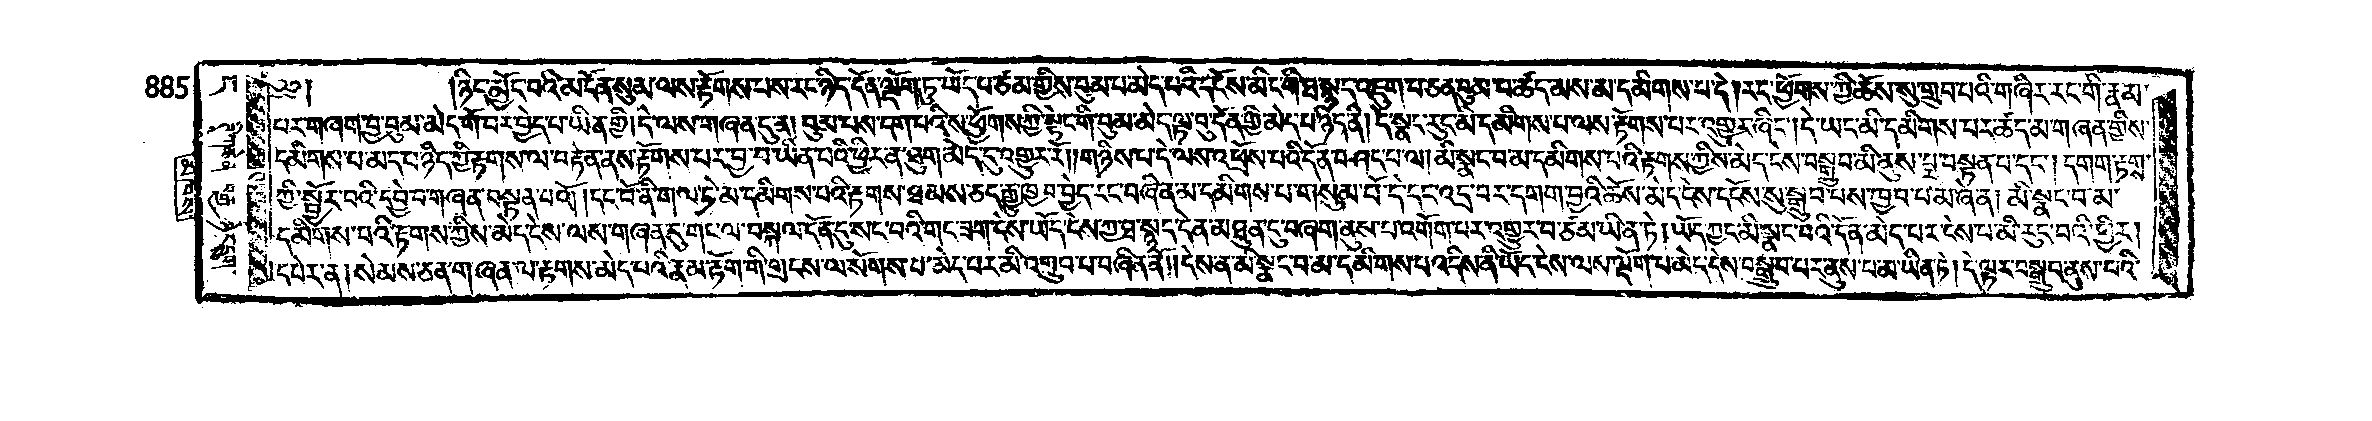༄༅། །ཉིད་མྱོང་བའི་མངོན་སུམ་ལས་རྟོགས་པས་རང་ཉིད་དོན་ལྡོག་ཏུ་ཡོད་པ་ཙམ་གྱིས་བུམ་པ་མེད་པའི་དངོས་མིང་གི་ཐ་སྙད་འཇུག་པ་ཅན་བུམ་པ་ཚད་མས་མ་དམིགས་པ་དེ། རང་ཕྱོགས་ཀྱི་ཆོས་སུ་གྲུབ་པའི་གཞིར་རང་གི་རྣམ་
པར་གཞག་བྱ་བུམ་མེད་གོ་བར་བྱེད་པ་ཡིན་གྱི། དེ་ལས་གཞན་དུ་ན། བུམ་པས་དག་པའི་ས་ཕྱོགས་ཀྱི་སྟེང་གི་བུམ་མེད་ལྟ་བུ་དོན་གྱི་མེད་པ་ཉིད་ནི། དེ་སྣང་རུང་མི་དམིགས་པ་ལས་རྟོགས་པར་འགྱུར་ཞིང་། དེ་ཡང་མི་དམིགས་པར་ཚད་མ་གཞན་གྱིས་
དམིགས་པ་མེད་པ་ཉིད་ཀྱི་རྟགས་ལ་བརྟེན་ནས་རྟོགས་པར་བྱ་བ་ཡིན་པའི་ཕྱིར་ན་ཐུག་མེད་དུ་འགྱུར་རོ། །གཉིས་པ་དེ་ལས་འཕྲོས་པའི་དོན་བཤད་པ་ལ། མི་སྣང་བ་མ་དམིགས་པའི་རྟགས་ཀྱིས་མེད་ངེས་བསྒྲུབ་མི་ནུས་པར་བསྟན་པ་དང་། དགག་རྟགས་
ཀྱི་སྦྱོར་བའི་དབྱེ་བ་གཞན་བསྟན་པའོ། །དང་པོ་ནི་གལ་ཏེ་མ་དམིགས་པའི་རྟགས་ཐམས་ཅད་རྒྱུ་ཁྱབ་བྱེད་རང་བཞིན་མ་དམིགས་པ་གསུམ་པོ་དེ་དང་འདྲ་བར་དགག་བྱའི་ཆོས་མེད་ངེས་དངོས་སུ་སྒྲུབ་པས་ཁྱབ་བམ་ཞེ་ན། མི་སྣང་བ་མ་
དམིགས་པའི་རྟགས་ཀྱིས་མེད་ངེས་ལས་གཞན་དུ་གང་ལ་བསྐལ་དོན་དུ་སོང་བའི་གང་ཟག་དེས་ཡོད་ངེས་ཀྱི་ཐ་སྙད་དོན་མཐུན་དུ་བཞག་ནུས་པ་འགོག་པར་འགྱུར་བ་ཙམ་ཡིན་ཏེ། ཡོད་ཀྱང་མི་སྣང་བའི་དོན་མེད་པར་ངེས་པ་མི་རུང་བའི་ཕྱིར།
དཔེར་ན། སེམས་ཅན་གཞན་ལ་རྟགས་མེད་པའི་རྣམ་རྟོག་གི་གྲངས་ལ་སོགས་པ་མེད་པར་མི་འགྲུབ་པ་བཞིན་ནོ། །དེས་ན་མི་སྣང་བ་མ་དམིགས་པ་འདིས་ནི་ཡོད་ངེས་ལས་ལྡོག་པ་མེད་ངེས་བསྒྲུབ་པར་ནུས་པ་མ་ཡིན་ཏེ། དེ་ལྟར་བསྒྲུབ་ནུས་པའི་